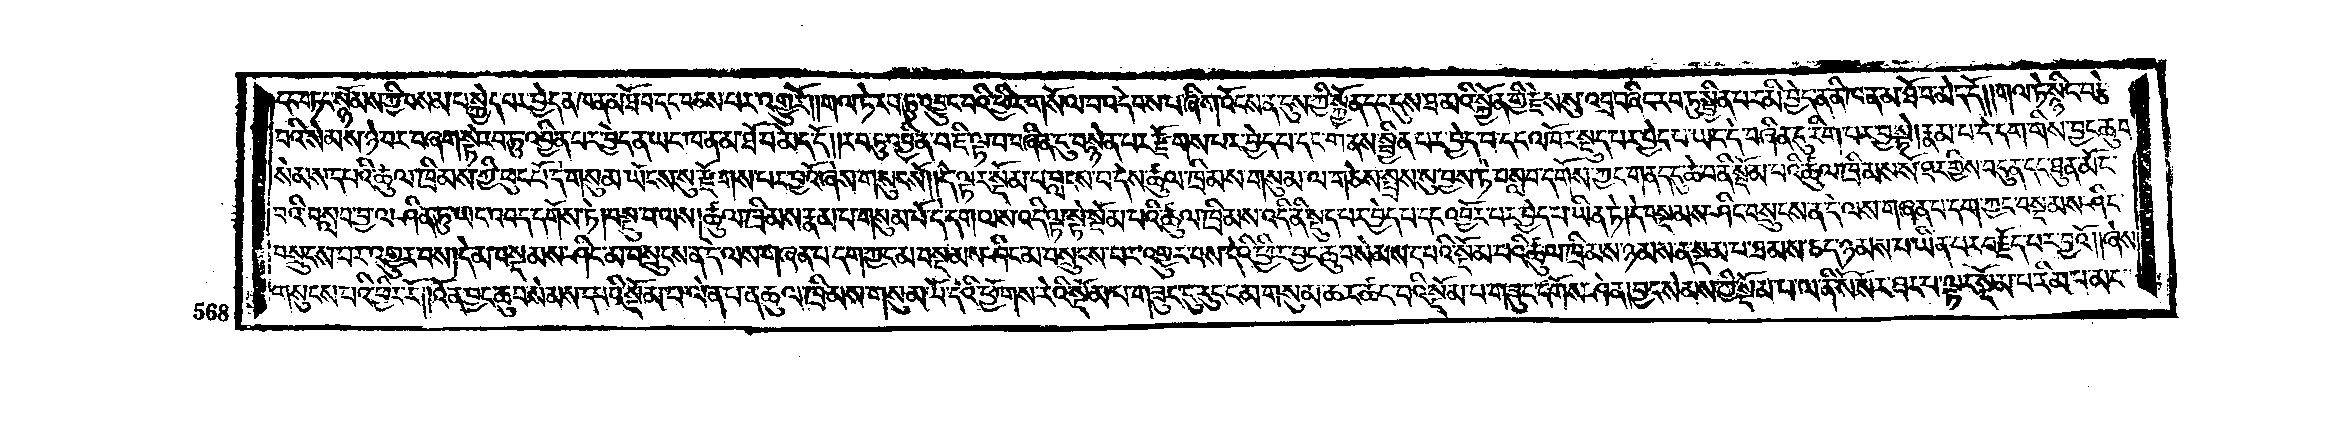དང་བཏང་སྙོམས་ཀྱི་བསམ་པ་སྐྱེད་པར་བྱེད་ན་ཁ་ན་མ་ཐོ་བ་དང་བཅས་པར་འགྱུར་རོ། །གལ་ཏེ་རབ་ཏུ་འབྱུང་བའི་ཕྱིར་གསོལ་བ་འདེབས་པ་ཞིག་འོངས་ན་དུས་ཀྱི་སྐྱོན་དང་དུས་ཐ་མའི་སྐྱོན་གྱི་རྗེས་སུ་འབྲང་ཞིང་རབ་ཏུ་སྦྱིན་པར་མི་བྱེད་ན་ནི་ཁ་ན་མ་ཐོ་བ་མེད་དོ། །གལ་ཏེ་སྙིང་བརྩེ་
བའི་སེམས་ཉེ་བར་བཞག་སྟེ་རབ་ཏུ་འབྱིན་པར་བྱེད་ན་ཡང་ཁ་ན་མ་ཐོ་བ་མེད་དོ། །རབ་ཏུ་འབྱིན་པ་ཇི་ལྟ་བ་བཞིན་དུ་བསྙེན་པར་རྫོགས་པར་བྱེད་པ་དང་གནས་སྦྱིན་པར་བྱེད་པ་དང་འཁོར་སྡུད་པར་བྱེད་པ་ཡང་དེ་བཞིན་དུ་རིག་པར་བྱ་སྟེ། རྣམ་པ་དེ་དག་གིས་བྱང་ཆུབ་
སེམས་དཔའི་ཚུལ་ཁྲིམས་ཀྱི་ཕུང་པོ་དེ་གསུམ་ཡོངས་སུ་རྫོགས་པར་བྱའོ་ཞེས་གསུང་སོ། །དེ་ལྟར་སྡོམ་པ་བླངས་པ་དེས་ཚུལ་ཁྲིམས་གསུམ་ལ་གཅེས་སྤྲས་སུ་བྱས་ཏེ་བསླབ་དགོས་ཀྱང་གནད་དུ་ཆེ་བ་ནི་སྡོམ་པའི་ཚུལ་ཁྲིམས་སོ་ཐར་གྱིས་བདུན་དང་ཐུན་མོང་
བའི་བསླབ་བྱ་ལ་ཤིན་ཏུ་ཡང་འབད་དགོས་ཏེ། བསྡུ་བ་ལས། ཚུལ་ཁྲིམས་རྣམ་པ་གསུམ་པོ་དེ་དག་ལས་འདི་ལྟ་སྟེ་སྡོམ་པའི་ཚུལ་ཁྲིམས་འདི་ནི་སྡུད་པར་བྱེད་པ་དང་འབྱོར་པར་བྱེད་པ་ཡིན་ཏེ། དེ་བསྡམས་ཤིང་བསྲུངས་ན་དེ་ལས་གཞན་པ་དག་ཀྱང་བསྡམས་ཤིང་
བསྲུང་པར་འགྱུར་བས། དེ་མ་བསྡམས་ཤིང་མ་བསྲུངས་ན་དེ་ལས་གཞན་པ་དག་ཀྱང་མ་བསྡམས་ཤིང་མ་བསྲུངས་པར་འགྱུར་བས་དེའི་ཕྱིར་བྱང་ཆུབ་སེམས་དཔའི་སྡོམ་པའི་ཚུལ་ཁྲིམས་ཉམས་ན་སྡམ་པ་ཐམས་ཅད་ཉམས་པ་ཡིན་པར་བརྗོད་པར་བྱའོ། །ཞེས་
གསུངས་པའི་ཕྱིར་རོ། །འོ་ན་བྱང་ཆུབ་སེམས་དཔའི་སྡོམ་པ་ལེན་པ་ན་ཚུལ་ཁྲིམས་གསུམ་པོ་དེའི་ཕྱོགས་རེའི་སྡོམ་པ་གཟུང་དུ་རུང་ངམ་གསུམ་ཆར་ཚང་བའི་སྡོམ་པ་གཟུང་དགོས་ཤེན། བྱང་སེམས་ཀྱི་སྡོམ་པ་ལ་ནི་སོ་སོར་ཐར་པ་ལྟར་སྡོམ་པ་རིམ་པ་མང་